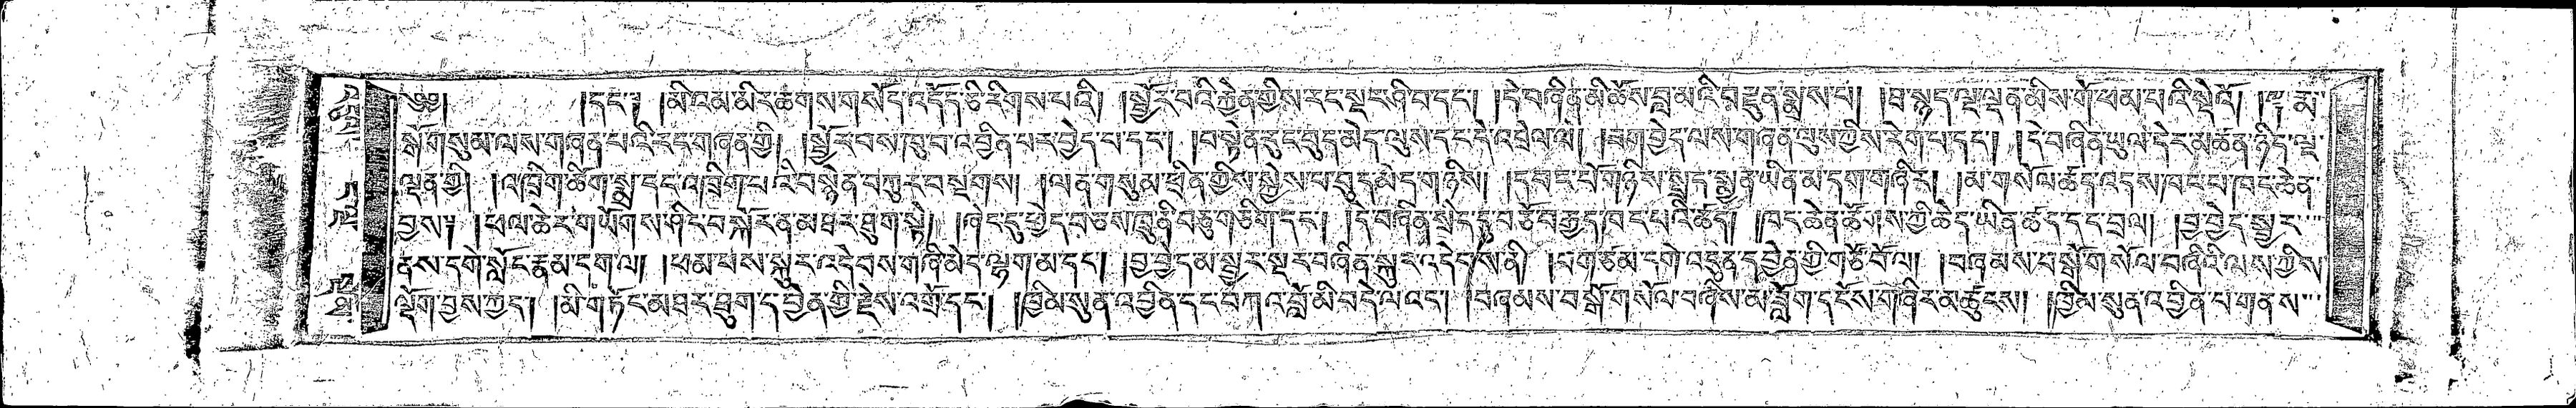༄༅། །དང༑ །མི་འམ་མིར་ཆགས་གསོད་འདོད་ཅི་རིགས་པའི། །སྦྱོར་བའི་རྐྱེན་གྱིས་རང་སྔར་ཤི་བ་དང་། །དེ་བཞིན་མི་ཆོས་བླ་མའི་བརྫུན་སྨྲས་པ། །ཐ་སྙད་ལྔ་ལྡན་མིས་གོ་ཕམ་པའི་སྡེའོ། །༈ རྨ་
སྒོ་གསུམ་ལས་གཞན་པའི་རང་གཞན་གྱི། །སྦྱོར་བས་ཁུ་བ་འབྱིན་པར་བྱེད་པ་དང་། །བསྟེན་རུང་བུད་མེད་ལུས་དང་དེ་འབྲེལ་ལ། །ཟག་བྱེད་ལས་གཞན་ལུས་ཀྱིས་རེག་པ་དང་། །དེ་བཞིན་ཡུལ་དེར་མཚན་ཉིད་ལྔ་
ལྡན་གྱི། །འཁྲིག་ཚིག་སྨྲ་དང་འཁྲིག་པའི་བསྙེན་བཀུར་བསྔགས། །ལན་གསུམ་ཕྲིན་གྱིས་སྐྱེས་པ་བུད་མེད་གཉིས། །དབང་པོ་གཉིས་སྤྲད་སྨྱན་ཡིན་མ་དག་གཞིར། །མ་གསོལ་ཚད་འདས་ཁང་པ་ཁང་ཆེན་
བྱས༑ །ཕལ་ཆེར་གཡོགས་ཤིང་བསྐོར་ན་མཐར་ཐུག་སྟེ། །ཞེང་དུ་ཕྱེད་བཅས་ཁྲུ་ནི་བཅུ་གཅིག་དང་། །དེ་བཞིན་སྲིད་དུ་བཅོ་བརྒྱད་ཁང་པའི་ཚད། །ཁང་ཆེན་ཚོགས་ཀྱི་ཆེད་ཡིན་ཚད་དང་བྲལ། །བྱ་བྱེད་སྦྱར་
ནས་དགེ་སློང་རྣམ་དག་ལ། །ཕམ་པས་སྐུར་འདེབས་གཞི་མེད་ལྷག་མ་དང་། །བྱ་བྱེད་མ་སྦྱར་སྔར་བཞིན་སྐུར་འདེབས་ནི། །བག་ཙམ་དགེ་འདུན་དབྱེན་གྱི་གཙོ་བོ་ལ། །བཞམས་བསྒོ་གསོལ་བཞིའི་ལས་ཀྱིས་
ལྡོག་བྱས་ཀྱང་། །མི་གཏོང་མཐར་ཐུག་དབྱེན་གྱི་རྗེས་འགྲོ་དང་། །ཁྱིམ་སུན་འབྱིན་དང་བཀའ་བློ་མི་བདེ་ལའང་། །བཞམས་བསྒོ་གསོལ་བཞིས་མ་ཟློག་དངོས་གཞིར་མཚུངས། །ཁྱིམ་སུན་འབྱིན་པ་གནས་